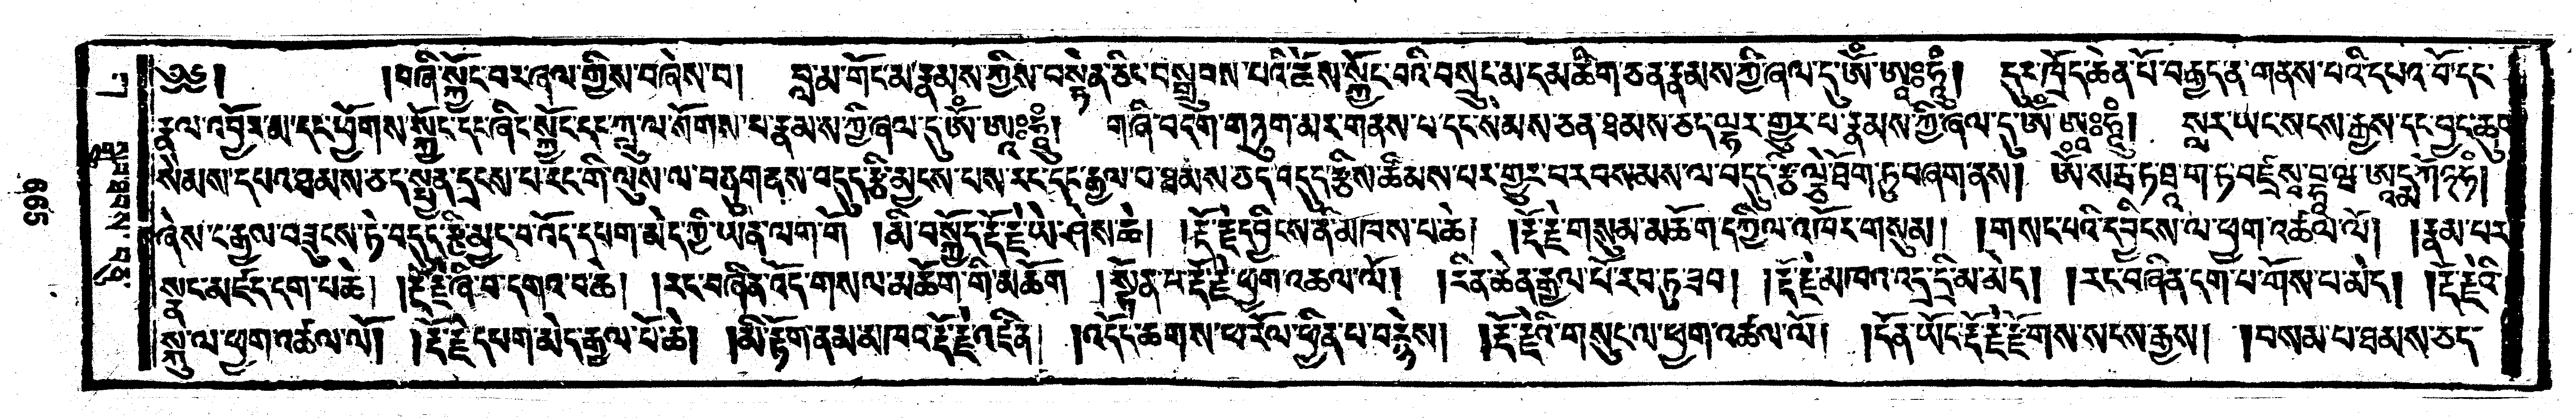༄༅། །བཞི་སྐྱོང་བར་ཞལ་གྱིས་བཞེས་བ། བླ་མ་གོང་མ་རྣམས་ཀྱིས་བསྟེན་ཅིང་བསྒྲུབས་པའི་ཆོས་སྐྱོང་བའི་བསྲུང་མ་དམ་ཚིག་ཅན་རྣམས་ཀྱི་ཞལ་དུ་ཨོཾ་ཨཱཿཧཱུཾ། དུར་ཁྲོད་ཆེན་པོ་བརྒྱད་ན་གནས་པའི་དཔའ་བོ་དང་
རྣལ་འབྱོར་མ་དང་ཕྱོགས་སྐྱོང་དང་ཞིང་སྐྱོང་དང་ཀླུ་ལ་སོགས་པ་རྣམས་ཀྱི་ཞལ་དུ་ཨོཾ་ཨཱཿཧཱུཾ། གཞི་བདག་གཉུག་མར་གནས་པ་དང་སེམས་ཅན་ཐམས་ཅད་ལྷར་གྱུར་པ་རྣམས་ཀྱི་ཞལ་དུ་ཨོཾ་ཨཱཿཧཱུཾ། སླར་ཡང་སངས་རྒྱས་དང་བྱང་ཆུབ་
སེམས་དཔའ་ཐམས་ཅད་སྤྱན་དྲངས་པ་རང་གི་ལུས་ལ་བཅུག་ནས་བདུད་རྩི་མྱངས་པས་རང་དང་རྒྱལ་བ་ཐམས་ཅད་བདུད་རྩིས་ཚིམས་པར་གྱུར་བར་བསམས་ལ་བདུད་རྩི་ལྕེ་ཐོག་ཏུ་བཞག་ནས། ཨོཾ་སརྦ་ཏ་ཐཱ་ག་ཏ་བཛྲ་སྦ་བྷཱ་ཝ་ཨཱདམ་ཀོཉྷཾ།
ཞེས་ང་རྒྱལ་བཟུངས་ཏེ་བདུད་རྩི་མྱང་བ་འོད་དཔག་མེད་ཀྱི་ཡན་ལག་གོ །མི་བསྐྱོད་རྡོ་རྗེ་ཡེ་ཤེས་ཆེ། །རྡོ་རྗེ་དབྱིངས་ནི་མཁས་པ་ཆེ། །རྡོ་རྗེ་གསུམ་མཆོ་ག་དཀྱིལ་འཁོར་གསུམ། །གསང་པའི་དབྱིངས་ལ་ཕྱག་འཚལ་ལོ། །རྣམ་པར་
སྣང་མཛད་དག་པ་ཆེ། །རྡོ་རྗེ་ཞི་བ་དགའ་བ་ཆེ། །རང་བཞིན་འོད་གསལ་མཆོག་གི་མཆོག །སྟོན་པ་རྡོ་རྗེ་ཕྱག་འཆལ་ལོ། །རིན་ཆེན་རྒྱལ་པོ་རབ་ཏུ་ཟབ། །རྡོ་རྗེ་མཁའ་འདྲ་དྲི་མ་མེད། །རང་བཞིན་དག་པ་གོས་པ་མེད། །རྡོ་རྗེའི་
སྐུ་ལ་ཕྱག་འཚལ་ལོ། །རྡོ་རྗེ་དཔག་མེད་རྒྱལ་པོ་ཆེ། །མི་རྟོག་ནམ་མཁའ་རྡོ་རྗེ་འཛིན། །འདོད་ཆགས་ཕ་རོལ་ཕྱིན་པ་བརྙེས། །རྡོ་རྗེའི་གསུང་ལ་ཕྱག་འཚལ་ལོ། །དོན་ཡོང་རྡོ་རྗེ་རྫོགས་སངས་རྒྱས། །བསམ་པ་ཐམས་ཅད་